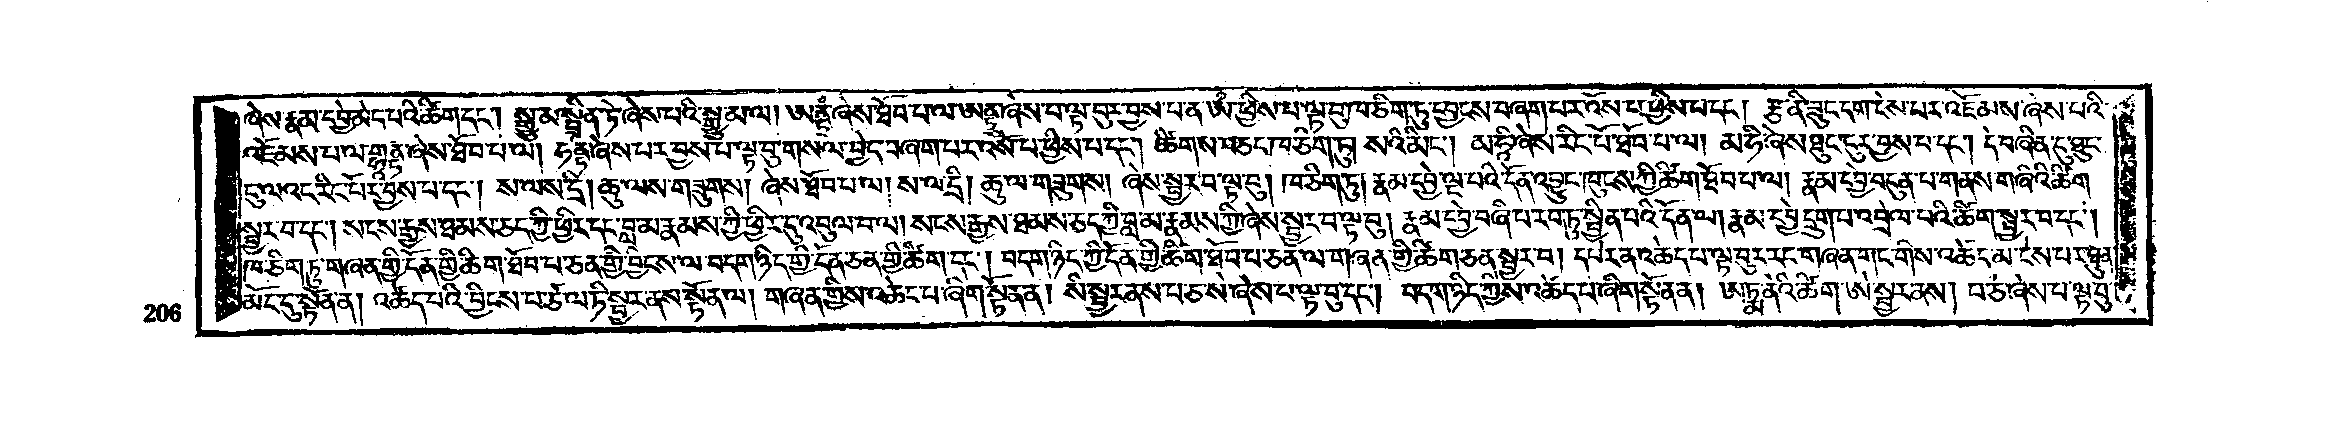ཞེས་རྣམ་དབྱེ་མེད་པའི་ཚིག་དང་། སྒྱུ་མ་སྦྲིན་ཏེ་ཞེས་པའི་སྒྱུ་མ་ལ། ཨནྟྲཾ་ཞེས་ཐོབ་པ་ལ་ཨནྟྲཾ་ཞེས་པ་ལྟ་བུར་བྱས་པ་ན་ཨཾ་ཕྱིས་པ་ལྟ་བུ་ཁ་ཅིག་ཏུ་དབྱངས་བཞག་པར་འོས་པ་ཕྱིས་པ་དང་། རྩ་ནི་ཟུང་དག་ངེས་པར་འཇོམས་ཞེས་པའི་
འཇོམས་པ་ལ་གྷཱ་ནྟ་ཞེས་ཐོབ་པ་ལ། ཧནྟ་ཞེས་པར་བྱས་པ་ལྟ་བུ་གསལ་བྱེད་བཞག་པར་འོས་པ་ཕྱིས་པ་དང་། ཚིགས་བཅད་ཁ་ཅིག་ཏུ། སའི་མིང་། མ་ཧཱི་ཞེས་རིང་པོ་ཐོབ་པ་ལ། མ་ཧི་ཞེས་ཐུང་ངུར་བྱས་པ་དང་། དེ་བཞིན་དུ་ཐུང་
ངུ་ལའང་རིང་པོར་བྱས་པ་དང་། ས་ལས་དྲི། ཆུ་ལས་གཟུགས། ཞེས་ཐོབ་པ་ལ། ས་ལ་དྲི། ཆུ་ལ་གཟུགས། ཞེས་སྦྱར་བ་ལྟ་བུ། ཁ་ཅིག་ཏུ། རྣམ་དབྱེ་ལྔ་པའི་དོན་འབྱུང་ཁུངས་ཀྱི་ཚིག་ཐོབ་པ་ལ། རྣམ་དབྱེ་བདུན་པ་གནས་གཞིའི་ཚིག་
སྦྱར་བ་དང་། སངས་རྒྱས་ཐམས་ཅད་ཀྱི་ཕྱིར་དང་བླ་མ་རྣམས་ཀྱི་ཕྱིར་དུ་འབུལ་བ་ལ། སངས་རྒྱས་ཐམས་ཅད་ཀྱི་བླ་མ་རྣམས་ཀྱི་ཞེས་སྦྱར་བ་ལྟ་བུ། རྣམ་དབྱེ་བཞི་པ་རབ་ཏུ་སྦྱིན་པའི་དོན་ལ། རྣམ་དབྱེ་དྲུག་པ་འབྲེལ་པའི་ཚིག་སྦྱར་བ་དང་།
ཁ་ཅིག་ཏུ་གཞན་གྱི་དོན་གྱི་ཚིག་ཐོབ་པ་ཅན་གྱི་བྱིངས་ལ་བདག་ཉིད་གྱི་དོན་ཅན་གྱི་ཚིག་དང་། བདག་ཉིད་ཀྱི་དོན་གྱི་ཚིག་ཐོབ་པ་ཅན་ལ་གཞན་གྱི་ཚིག་ཅན་སྦྱར་བ། དཔེར་ན་འཆེད་པ་ལྟ་བུར་རང་གཞན་གང་གིས་འཚེད་མ་ངེས་པར་ཐུན་
མོང་དུ་སྟོན་ན། འཚེད་པའི་བྱིངས་པ་ཙ་ལ་ཏི་སྦྱར་ནས་སྟོན་ལ། གཞན་གྱིས་འཚེད་པ་ཞིག་སྟོན་ན། སི་སྦྱར་ནས་པ་ཅ་སེ་ཞེས་པ་ལྟ་བུ་དང་། བདག་ཉིད་ཀྱིས་འཚེད་པ་ཞིག་སྟོན་ན། ཨཏྨ་ནེའི་ཚིག་ཨེ་སྦྱར་ནས། པ་ཅེ་ཞེས་པ་ལྟ་བུ་